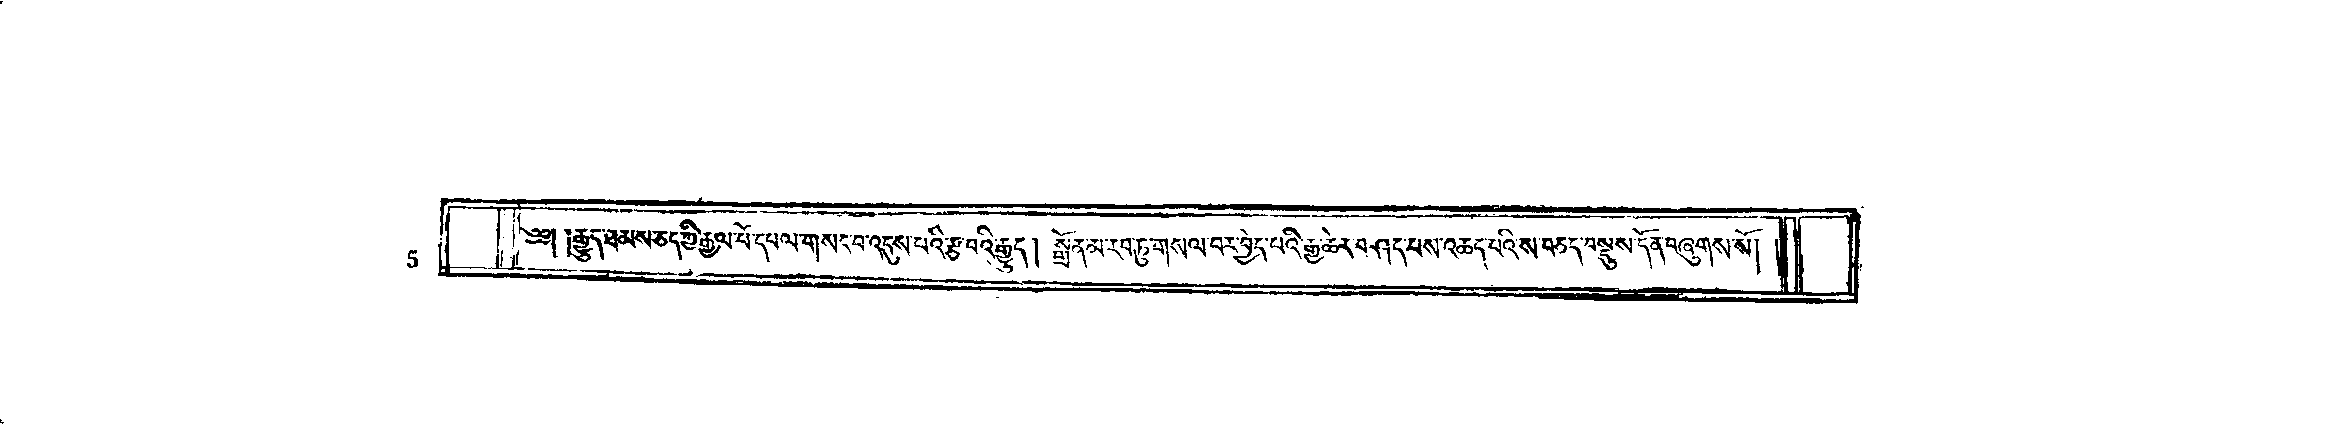༄༅། །རྒྱུད་ཐམས་ཅད་ཀྱི་རྒྱལ་པོ་དཔལ་གསང་བ་འདུས་པའི་རྩ་བའི་རྒྱུད། སྒྲོན་མ་རབ་ཏུ་གསལ་བར་བྱེད་པའི་རྒྱ་ཆེར་བཤད་པས་འཆད་པའི་ས་བཅད་བསྡུས་དོན་བཞུགས་སོ། །